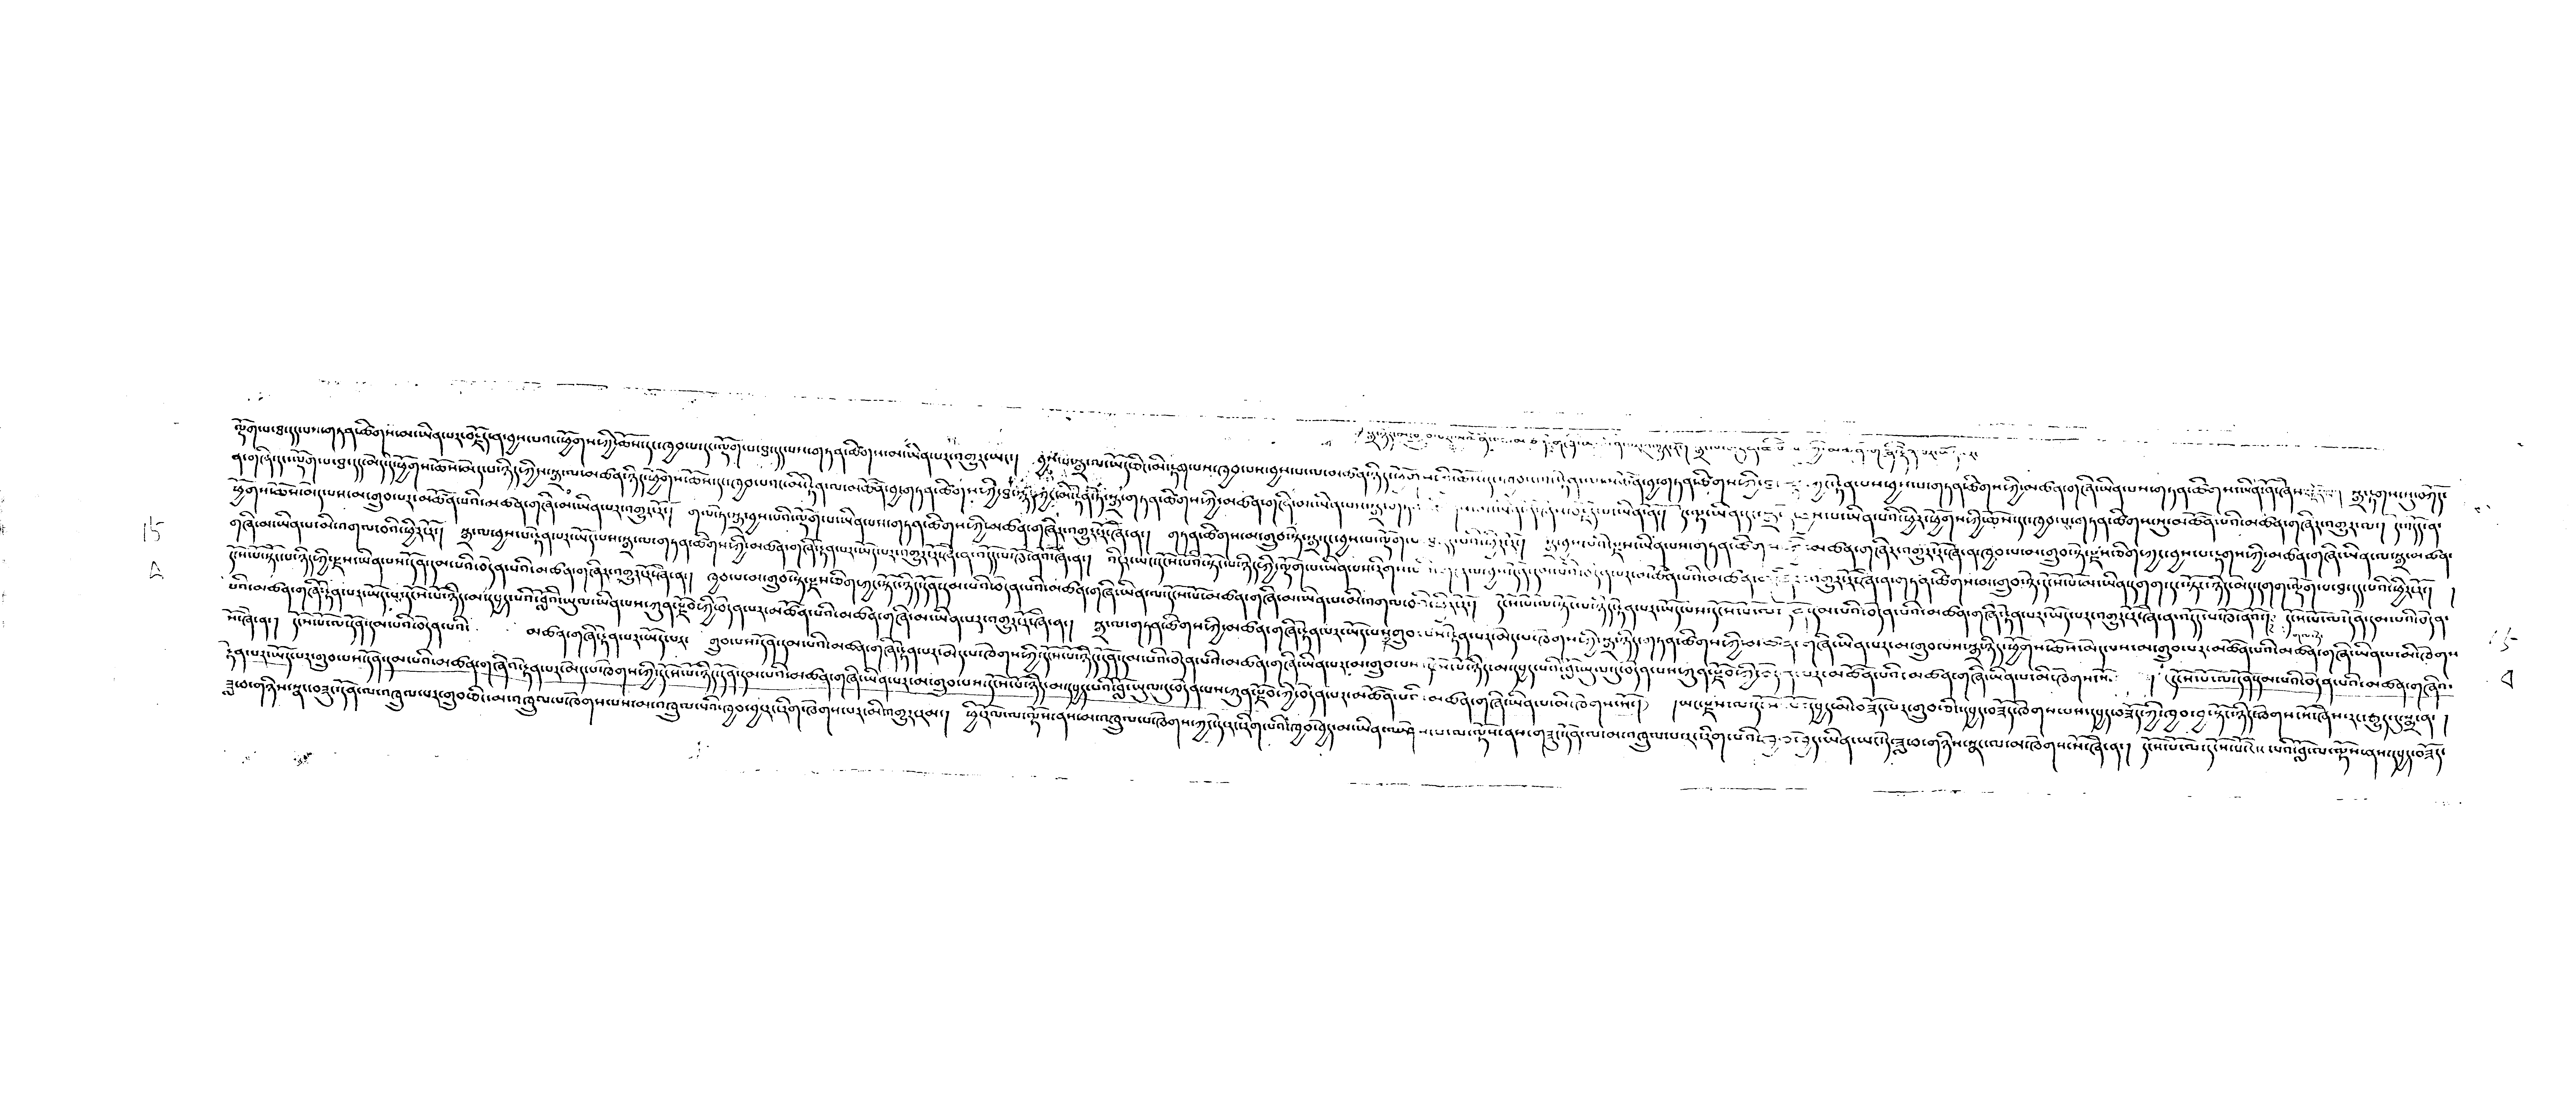ལྡོག་པ་ཐ་དད་པས་གཏན་ཚིགས་མ་ཡིན་པར་བརྗོད་ན་བྱས་པའང་ཕྱོགས་ཀྱི་ཆོས་དང་ཁྱབ་པར་ལྡོག་པ་ཐ་དད་པས་གཏན་ཚིགས་མ་ཡིན་པར་འགྱུར་ཡང་། བྱས་པ་སྒྲ་ལ་ཡོད་ཅིང་མི་རྟག་པས་ཁྱབ་པས་བྱས་པ་ལ་མཚན་ཉིད་ཕྱོགས་ཀྱི་ཆོས་དང་ཁྱབ་པའི་སྟེན་པ་མཚོན་བྱ་གཏན་ཚིགས་ཀྱི་ཐ་སྙད་ཀྱི་རྟེན་པས་བྱས་པ་གཏན་ཚིགས་ཀྱི་མཚན་གཞི་ཡིན་པས་གཏན་ཚིགས་ཡིན་ནོ་ཞེ་བརྗོད་པ། སྒྲ་རྟགས་དུ་བཀོད་
ན་གཞི་དང་ལྡོག་པ་ཐ་དད་མེད་དེ་ཕྱོགས་ཆོས་མེད་པ་ཉིད་ཀྱིས་སྒྲ་ལ་མཚན་ཉིད་ཕྱོགས་ཆོ་དང་ཁྱབ་པའང་མི་རྟེན་ལ་མཚོན་བྱ་གཏན་ཚིགས་ཀྱི་ཐ་སྙད་ཀྱང་མི་རྟེན་ཏེ་སྒྲ་གཏན་ཚིགས་ཀྱི་མཚན་གཞི་མ་ཡིན་པས་སྒྲ་གཏན་ཚིགས་མ་ཡིན་ནོ་ཞེས་བརྗོད་པ་ཡིན་ནོ། དེ་ལྟ་ཡིན་དང་སྒྲ་དེ་བྱས་པ་ཡིན་པའི་ཕྱིར་ཕྱོགས་ཀྱི་ཆོས་དང་ཁྱབ་པས་གཏན་ཚིགས་སུ་མཚོན་པའི་མཚན་ཉིད་གཞིར་འགྱུར་ལ། དེ་འདོད་ན་
ཕྱོགས་ཆོས་མེད་པས་མ་གྲུབ་པར་མཚོན་པའི་མཚན་གཞི་མ་ཡིན་པར་འགྱུར་རོ། གལ་ཏེ་སྒྲ་བྱས་པའི་ལྡོག་པ་ཡིན་པས་གཏན་ཚིགས་ཀྱི་མཚན་གཞིར་འགྱུར་རོ་ཞེ་ན། གཏན་ཚིགས་མ་གྲུབ་སྟེ་སྒྲ་དང་བྱ་པ་ལྡོག་པ་ཐ་དད་པའི་ཕྱིར་འོང་། སྒྲ་བྱས་པའི་རྫས་ཡིན་པས་གཏན་ཚིགས་ཀྱི་མཚན་གཞིར་འགྱུར་རོ་ཞེ་ན་ཁྱབ་པ་མ་གྲུབ་སྟེ་རྫས་ཅིག་ཀྱང་བྱས་པ་རྟགས་ཀྱི་མཚན་གཞི་ཡིན་ལ་སྒྲ་མཚན་
གཞི་མ་ཡིན་པ་མི་འགལ་བའི་ཕྱིར་རོ། སྒྲ་ལ་བྱས་པ་རྟེན་པར་ཡོད་པས་སྒྲ་ལ་གཏན་ཚིགས་ཀྱི་མཚན་གཞི་རྟེན་པར་ཡོད་པར་འགྱུར་རོ་ཞེ་ན་འདོད་པ་ཁོ་ནའོ་ཞེ་ན། འདིར་ཡང་དངོས་པོའི་སྟོང་པ་ཉིད་ཀྱི་ལྡོག་པ་ཡིན་པས་རིགས་པའི་གཞལ་བྱས་དོན་དམ་པའི་བདེན་པར་མཚོན་པའི་མཚན་གཞིར་འགྱུར་རོ་ཞེ་ན་གཏན་ཚིགས་མ་གྲུབ་སྟེ་དངོས་པོ་མ་ཡིན་དགག་དང་སྟོང་ཉིད་མེད་དགག་ལྡོག་པ་ཐ་དད་པའི་ཕྱིར་རོ། །
དངོས་པོ་སྟོང་པ་ཉིད་ཀྱི་རྫས་ཡིན་པས་དོན་དམ་པའི་བདེན་པའི་མཚན་གཞིར་འགྱུར་རོ་ཞེ་ན། ཁྱབ་པ་མ་གྲུབ་སྟེ་རྫས་ཅིག་ཀྱང་སྟོང་ཉིད་དོན་དམ་པའི་བདེན་པའི་མཚན་གཞི་ཡིན་ལ་དངོས་པོ་མཚན་གཞི་མ་ཡིན་པ་མི་འགལ་བའི་ཕྱིར་རོ། དངོས་པོ་ལ་སྟོང་པ་ཉིད་རྟེན་པར་ཡོད་པས་དངོས་པོ་ལ་དོན་དམ་པའི་བདེན་པའི་མཚན་གཞི་སྟོན་པར་ཡོད་པར་འགྱུར་རོ་ཞེ་ན་འདོད་པ་ཁོ་ནའོ༑ གལ་ཏེ་དངོས་པོ་ལ་དོན་དམ་པའི་བདེན་
པའི་མཚན་གཞི་རྟེན་པར་ཡོད་པ་དངོས་པོ་ཉིད་མ་དཔྱད་པའི་བློའི་ཡུལ་ཡིན་པས་ཀུན་རྫོབ་ཀྱི་བདེན་པར་མཚོན་པའི་མཚན་གཞི་མ་ཡིན་པར་འགྱུར་རོ་ཞེ་ན། སྒྲ་ལ་གཏན་ཚིགས་ཀྱི་མཚན་གཞི་རྟེན་པར་ཡོད་པས་འགྲུབ་པས་རྟེན་པར་མེད་པ་ཁེགས་ཀྱི་སྒྲ་ཉིད་གཏན་ཚིགས་ཀྱི་མཚན་གཞི་ཡིན་པར་མ་གྲུབ་པས་སྒྲ་ཉིད་ཕྱོགས་ཆོས་མེད་པས་མ་གྲུབ་པར་མཚོན་པའི་མཚན་གཞི་ཡིན་པ་མི་ཁེགས་
སོ་ཞེ་ན། དངོས་པོ་ལ་དོན་དམ་པའི་བདེན་པའི་མཚན་གཞི་རྟེན་པར་ཡོད་པར་གྲུབ་པས་དོན་དམ་པའི་མཚན་གཞི་རྟེན་པར་མེད་པ་ཁེགས་ཀྱི་དངོས་པོ་ཉིད་དོན་དམ་པའི་བདེན་པའི་མཚན་གཞི་ཡིན་པར་མ་གྲུབ་པས་དངོས་པོ་ཉིད་མ་དཔྱད་པའི་བློ་ཡུལ་དུ་བདེན་པས་ཀུན་རྫོབ་ཀྱི་བདེན་པར་མཚོན་པའི་མཚན་གཞི་ཡིན་པ་མི་ཁེགས་སོ་།དངོས་པོ་ལ་དོན་དམ་པའི་བདེན་པའི་མཚན་གཞིའི་
རྟེན་པར་ཡོད་པར་གྲུབ་པས་དོན་དམ་པའི་མཚན་གཞིའི་རྟེན་པར་མེད་པ་ཁེགས་ཀྱི་དངོས་པོ་ཉིད་དོན་དམ་པའི་མཚན་གཞི་ཡིན་པར་མ་གྲུབ་པས་དངོས་པོ་ཉིད་མ་དཔྱད་པའི་བློ་ཡུལ་དུ་བདེན་པས་ཀུན་རྫོབ་ཀྱི་བདེན་པར་མཚོན་པའི་མཚན་གཞི་ཡིན་པ་མི་ཁེགས་སོ། །ཡང་རྫས་ལ་དངོས་པོ་དཔྱད་མི་བཟོད་པར་གྲུབ་ཅིང་དཔྱད་བཟོད་ཁེགས་པས་དཔྱད་བཟོད་ཀྱི་ཁྱབ་བྱ་སྟོང་ཉིད་ཁེགས་སོ་ཞེས་རང་རྒྱུད་དུ་སྨྲ་ན་།
ཟླ་བ་གཉིས་སྣང་བཟུང་དོན་ལ་འཁྲུལ་པར་གྲུབ་ཅིང་མ་འཁྲུལ་པ་ཁེགས་པས་མ་འཁྲུལ་པའི་ཁྱབ་བྱ་རང་རིག་ཁེགས་པར་མི་འགྱུར་རམ། ཕྱི་རོལ་ལ་ལྟོས་ནས་མ་འཁྲུལ་པ་ཁེགས་ཀྱང་དེ་རང་རིག་པའི་ཁྱབ་བྱེད་མ་ཡིན་ལ་ཤེས་པ་ལ་ལྟོས་ནས་གཟུང་དོན་ལ་མ་འཁྲུལ་པར་རང་རིག་པའི་ཁྱབ་བྱེད་ཡིན་ཡང་དེ་ཟླ་བ་གཉིས་སྣང་ལ་མ་ཁེགས་སོ་ཞེ་ན། དངོས་པོ་ལ་དངོས་པོ་ངེས་པའི་བློ་ལ་ལྟོས་ནས་དཔྱད་བཟོད་